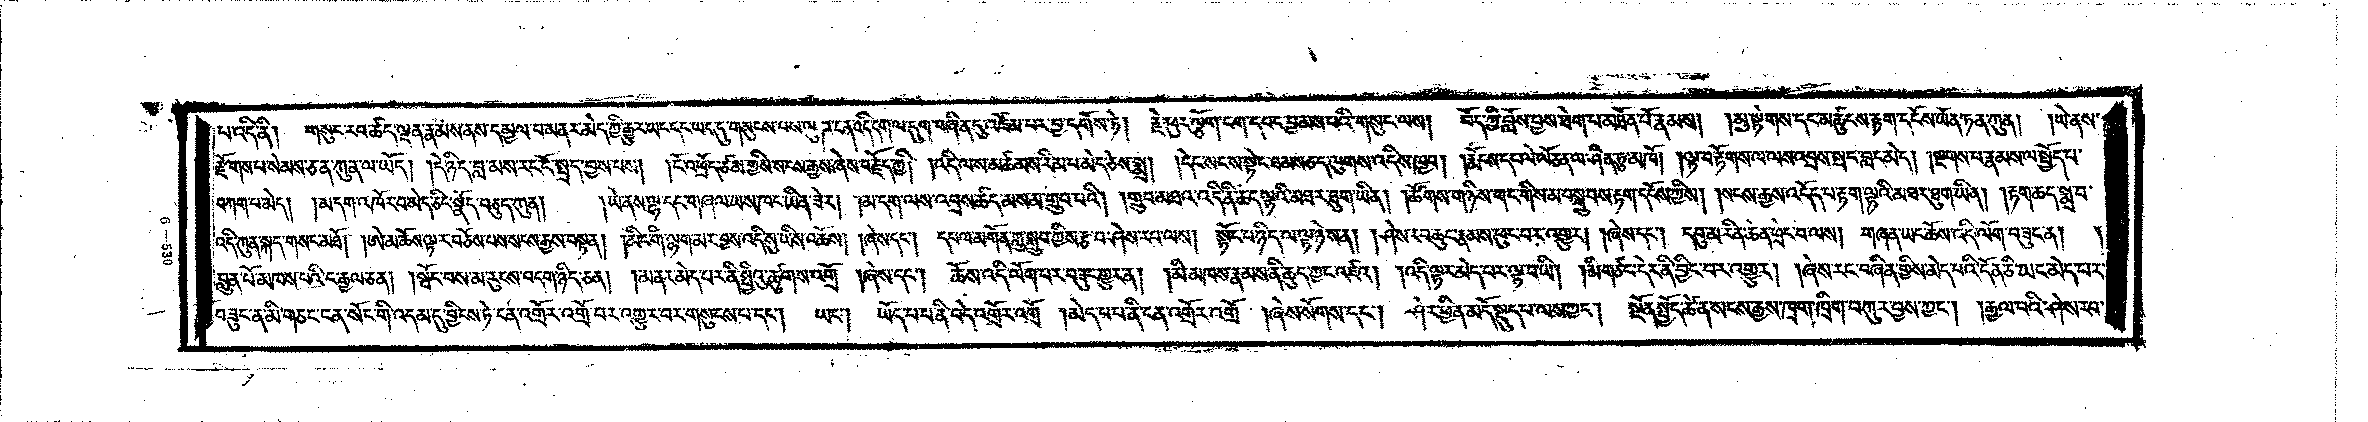པ་འདི་ནི། གསུང་རབ་ཚད་ལྡན་རྣམས་ནས་དམྱལ་བ་མནར་མེད་ཀྱི་རྒྱུར་ཡང་དང་ཡང་དུ་གསུངས་པས་ལུཌ་ངན་འདི་དག་ལ་དུག་བཞིན་དུ་འཛེམ་པར་བྱ་དགོས་ཏེ། རྗེ་ཕུར་ལྕོག་ངག་དབང་བྱམས་པའི་གསུང་ལས། བོད་ཀྱི་བློས་བྱས་ཐེག་པ་མཐོན་པོ་རྣམས། །མུ་སྟེགས་དང་མཚུངས་རྟག་དངོས་ཡོན་ཏན་ཀུན། །ཡེ་ནས་
རྫོགས་པ་སེམས་ཅན་ཀུན་ལ་ཡོད། །དེ་ཉིད་བླ་མས་རང་ངོ་སྤྲད་བྱས་པས། །ངོ་འཕྲོད་ཙམ་གྱིས་སངས་རྒྱས་ཞེས་བརྗོད་ཀྱི། །འདི་ལས་མཚམས་རིམ་པ་མེད་ཅེས་སྨྲ། །དེང་སངས་སྟེང་ཐམས་ཅད་ལུགས་འདིས་ཁྱབ། །རྨོངས་དང་ལེ་ལོ་ཅན་ལ་ཤིན་ཏུ་མཁོ། །ལྟ་བརྟོགས་ལ་ལས་འབྲས་སྤང་བླང་མེད། །སྔགས་པ་རྣམས་ལ་སྤྱོད་པ་
བཀག་པ་མེད། །མ་དག་འཁོར་བ་མེད་ཅིང་སྣོད་བཅུད་ཀུན། །ཡེ་ནས་ལྷ་དང་གཞལ་ཡས་ཁང་ཡིན་ཟེར། །མ་དག་ལས་འབྲས་ཚད་མས་མ་གྲུབ་པའི། །གྲུབ་མཐའ་འདི་ནི་ཆད་ལྟའི་མཐར་ཐུག་ཡིན། །ཚོགས་གཉིས་གང་གིས་མ་བསྒྲུབས་རྟག་དངོས་ཀྱིས། །སངས་རྒྱས་འདོད་བརྟག་ལྟའི་མཐར་ཐུག་ཡིན། །རྟག་ཆད་སྨྲ་བ་
འདི་ཀུན་སྐད་གསང་མཐོ། །ཨེ་མ་ཆོས་ལྟར་བཅོས་པས་སངས་རྒྱས་བསྟན། །མིང་གི་ལྷག་མར་བྱས་འདི་སུ་ཡིས་འཆོས། །ཞེས་དང་། དཔལ་མགོན་ཀླུ་སྒྲུབ་ཀྱིས་རྩ་བ་ཤེས་རབ་ལས། སྟོང་པ་ཉིད་ལ་ལྟ་ཉེས་ན། །ཤེས་རབ་ཆུང་རྣམས་ཕུང་བར་འགྱུར། །ཞེས་དང་། དབུ་མ་རིན་ཆེན་ཕྲེང་བ་ལས། གཞན་ཡང་ཆོས་འདི་ལོག་བཟུང་ན། །
བླུན་པོ་མཁས་པའི་ང་རྒྱལ་ཅན། །སྦོང་བས་མ་རུངས་བདག་ཉིད་ཅན། །མནར་མེད་པར་ནི་སྤྱིའི་ཚུགས་འགྲོ་།ཞེས་དང་། ཆོས་འདི་ལོག་པར་བཟུང་གྱུར་ན། །མི་མཁས་རྣམས་ནི་ཆུད་ཀྱང་འཛའ། །འདི་ལྟར་མེད་པར་ལྟ་བ་ཡི། །མི་གཙང་དེར་ནི་བྱིང་བར་འགྱུར། །ཞེས་རང་བཞིན་གྱིས་མེད་པའི་དོན་ཅི་ཡང་མེད་པར་
བཟུང་ན་མི་གཅང་ངན་སོང་གི་འདམ་དུ་བྱིངས་ཏེ་ངན་འགྲོར་འགྲོ་བར་འགྱུར་བར་གསུངས་པ་དང་། ཡང་། ཡོད་པ་པ་ནི་བདེ་འགྲོར་འགྲོ་།མེད་པ་པ་ནི་ངན་འགྲོར་འགྲོ་།ཞེས་སོགས་དང་། ཤེར་ཕྱིན་མདོ་སྡུད་པ་ལས་ཀྱང་། སྔོན་སྤྱོད་ཚེ་ན་སངས་རྒྱས་ཁྲག་ཁྲིག་བཀུར་བྱས་ཀྱང་། །རྒྱལ་བའི་ཤེས་རབ་